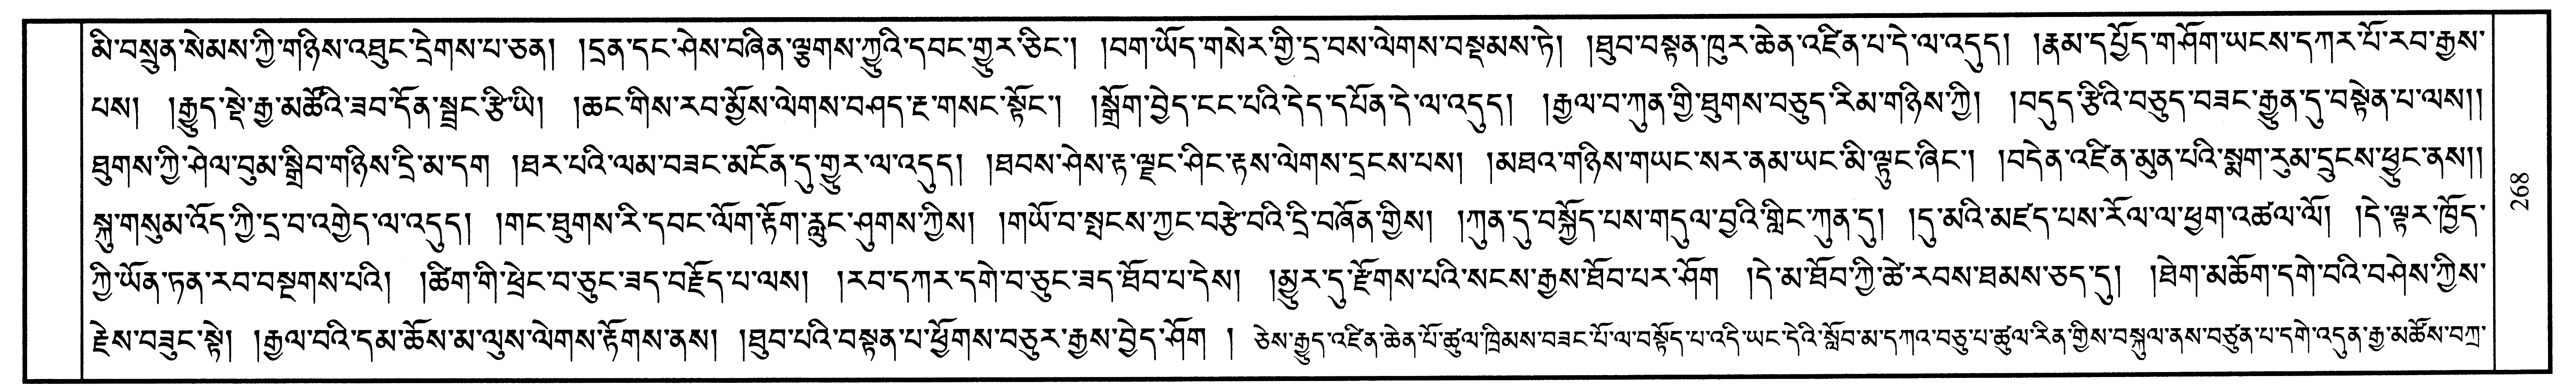མི་བསྲུན་སེམས་ཀྱི་གཉིས་འཐུང་དྲེགས་པ་ཅན། །དྲན་དང་ཤེས་བཞིན་ལྕགས་ཀྱུའི་དབང་གྱུར་ཅིང་། །བག་ཡོད་གསེར་གྱི་དྲ་བས་ལེགས་བསྡམས་ཏེ། །ཐུབ་བསྟན་ཁུར་ཆེན་འཛིན་པ་དེ་ལ་འདུད། །རྣམ་དཔྱོད་གཤོག་ཡངས་དཀར་པོ་རབ་རྒྱས་
པས། །རྒྱུད་སྡེ་རྒྱ་མཚོའི་ཟབ་དོན་སྦྲང་རྩི་ཡི། །ཆང་གིས་རབ་མྱོས་ལེགས་བཤད་རྔ་གསང་སྟོང་། །སྒྲོག་བྱེད་ངང་པའི་དེད་དཔོན་དེ་ལ་འདུད། །རྒྱལ་བ་ཀུན་གྱི་ཐུགས་བཅུད་རིམ་གཉིས་ཀྱི། །བདུད་རྩིའི་བཅུད་བཟང་རྒྱུན་དུ་བསྟེན་པ་ལས།།
ཐུགས་ཀྱི་ཤེལ་བུམ་སྒྲིབ་གཉིས་དྲི་མ་དག །ཐར་པའི་ལམ་བཟང་མངོན་དུ་གྱུར་ལ་འདུད། །ཐབས་ཤེས་རྟ་ལྗང་ཤིང་རྟས་ལེགས་དྲངས་པས། །མཐའ་གཉིས་གཡང་སར་ནམ་ཡང་མི་ལྟུང་ཞིང་། །བདེན་འཛིན་མུན་པའི་སྨག་རུམ་དྲུངས་ཕྱུང་ནས།།
སྐུ་གསུམ་འོད་ཀྱི་དྲ་བ་འགྱེད་ལ་འདུད། །གང་ཐུགས་རི་དབང་ལོག་རྟོག་རླུང་ཤུགས་ཀྱིས། །གཡོ་བ་སྤངས་ཀྱང་བརྩེ་བའི་དྲི་བཞོན་གྱིས། །ཀུན་དུ་བསྐྱོད་པས་གདུལ་བྱའི་གླིང་ཀུན་དུ། །དུ་མའི་མཛད་པས་རོལ་ལ་ཕྱག་འཚལ་ལོ། །དེ་ལྟར་ཁྱོད་
ཀྱི་ཡོན་ཏན་རབ་བསྔགས་པའི། །ཚིག་གི་ཕྲེང་བ་ཅུང་ཟད་བརྗོད་པ་ལས། །རབ་དཀར་དགེ་བ་ཅུང་ཟད་ཐོབ་པ་དེས། །མྱུར་དུ་རྫོགས་པའི་སངས་རྒྱས་ཐོབ་པར་ཤོག །དེ་མ་ཐོབ་ཀྱི་ཚེ་རབས་ཐམས་ཅད་དུ། །ཐེག་མཆོག་དགེ་བའི་བཤེས་ཀྱིས་
རྗེས་བཟུང་སྟེ། །རྒྱལ་བའི་དམ་ཆོས་མ་ལུས་ལེགས་རྟོགས་ནས། །ཐུབ་པའི་བསྟན་པ་ཕྱོགས་བཅུར་རྒྱས་བྱེད་ཤོག །ཅེས་རྒྱུད་འཛིན་ཆེན་པོ་ཚུལ་ཁྲིམས་བཟང་པོ་ལ་བསྟོད་པ་འདི་ཡང་དེའི་སློབ་མ་དཀའ་བཅུ་པ་ཚུལ་རིན་གྱིས་བསྐུལ་ནས་བཙུན་པ་དགེ་འདུན་རྒྱ་མཚོས་བཀྲ་